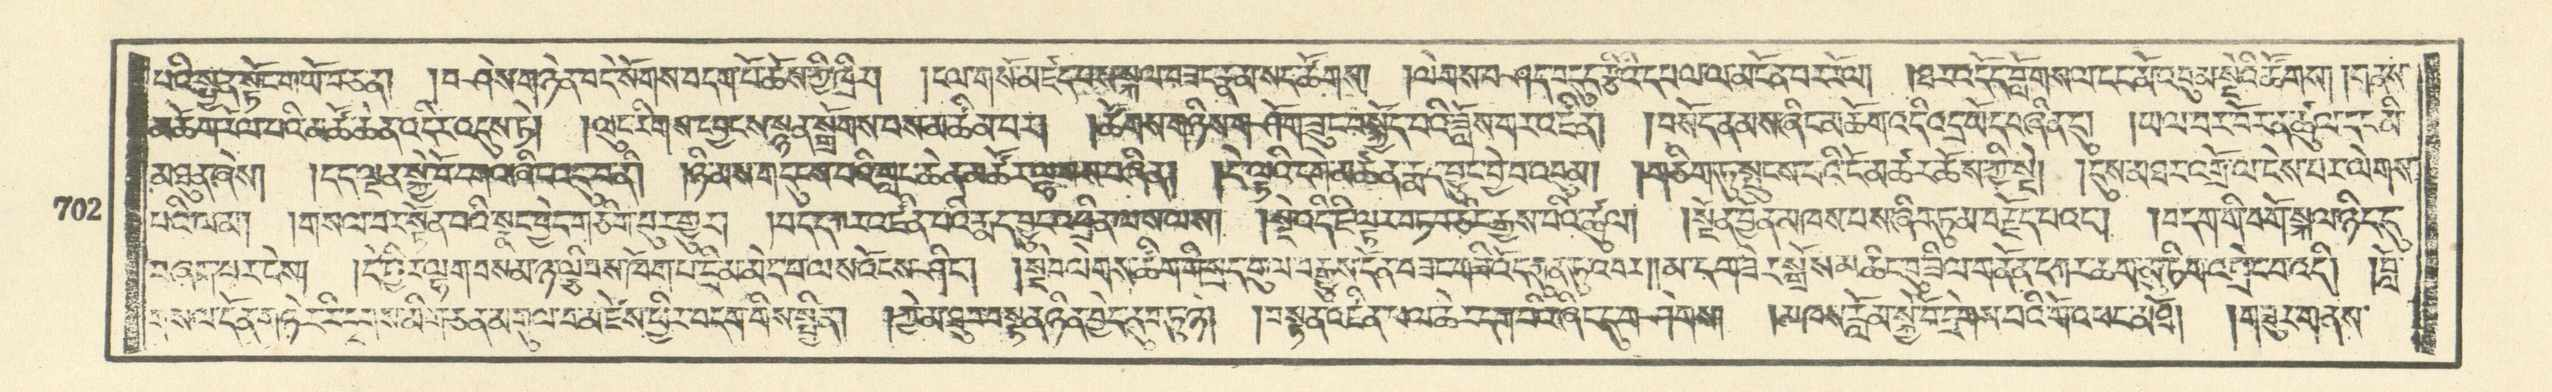པའི་སྤྱན་སྟོང་གཡོ་བ་ཅན། །བཤེས་གཉེན་བདེ་སོགས་བདག་པོ་ཆོས་ཀྱི་ཁྲིར། །ངལ་གསོ་མཛད་པས་སྐལ་བཟང་རྣམས་སད་ཚོགས། །ལེགས་བཤད་བདུད་རྩིའི་དཔལ་ལ་མངོན་པར་རོལ། །ཐར་འདོད་བློ་གསལ་དང་མོ་འབུམ་སྡེའི་ཚོགས། །གནས་
མཆོག་རོལ་པའི་མཚོ་ཆེན་འདིར་འདུས་ཏེ། །ལུང་རིགས་དབྱངས་སྙན་སྒྲོགས་པས་མ་ཚིམ་པར། །ཚོགས་གཉིས་གཤོག་ཟུང་བསྐྱོད་པའི་ཟློས་གར་འཛིན། །བསོད་ནམས་ཞིང་མཆོག་འདི་འདྲ་ཡོད་བཞིན་དུ། །ཡལ་བར་བོར་ན་ཚུལ་དང་མི་
མཐུན་ཞེས། །དད་ལྡན་སྐྱེ་བོ་དགའ་ཞིང་འདུ་བ་ནི། །ཉི་མས་གདུངས་པའི་གླང་ཆེན་མཚོར་ལྷགས་བཞིན། །དེ་ལྟའི་དགེ་མཚན་རྨད་བྱུང་བྱེ་བ་འབུམ། །གཅིག་ཏུ་སྤུངས་པའི་ངོ་མཚར་ཆོས་ཀྱི་སྡེ། །དུས་མཐར་འགྲོ་ལ་ངེས་པར་ལེགས་
པའི་ལམ། །གསལ་བར་སྟོན་པའི་སྣང་བྱེད་གཅིག་པུར་གྱུར། །པད་དཀར་འཛིན་པའི་རྨད་བྱུང་འཕྲིན་ལས་ལས། །སྡེ་འདི་ཇི་ལྟར་བཏབ་ཅིང་རྒྱས་པའི་ཚུལ། །སྔོན་བྱོན་མཁས་པས་ཞིབ་ཏུ་མ་བརྗོད་པའང་། །བདག་གི་བགོ་སྐལ་ཉིད་དུ་
བཞག་པར་ངེས། །དེ་ཕྱིར་ལྷག་བསམ་ཉ་ལྕིབས་ཁོག་པ་དྲི་མ་མེད་པ་ལས་འོངས་ཤིང་། །སྡེབ་ལེགས་ཚིག་གི་སྲད་བུ་ལ་བརྒྱུས་དོན་བཟང་གཟི་འོད་ཀུན་ཏུ་འབར། །མ་དག་ཟེར་སྒྲོས་མཆིང་བུ་ཟིལ་གནོན་དཀར་ཆག་མུ་ཏིག་འཕྲེང་བ་འདི། །བློ་
གསལ་དོན་གཉེར་རི་དྭགས་མིག་ཅན་མགུལ་བ་མཛེས་ཕྱིར་བདག་གིས་སྤྱིན། །ཀྱེ་མ་ཐུབ་བསྟན་ཉིན་བྱེད་ནུབ་ཏུ་ཉེ། །བསྟན་འཛིན་ཕལ་ཆེར་དག་པའི་ཞིང་དུ་གཤེགས། །མཁས་རློམ་སྐྱེ་བོ་དྲེགས་པའི་གོ་འཕང་མཐོ། །གཟུར་གནས་